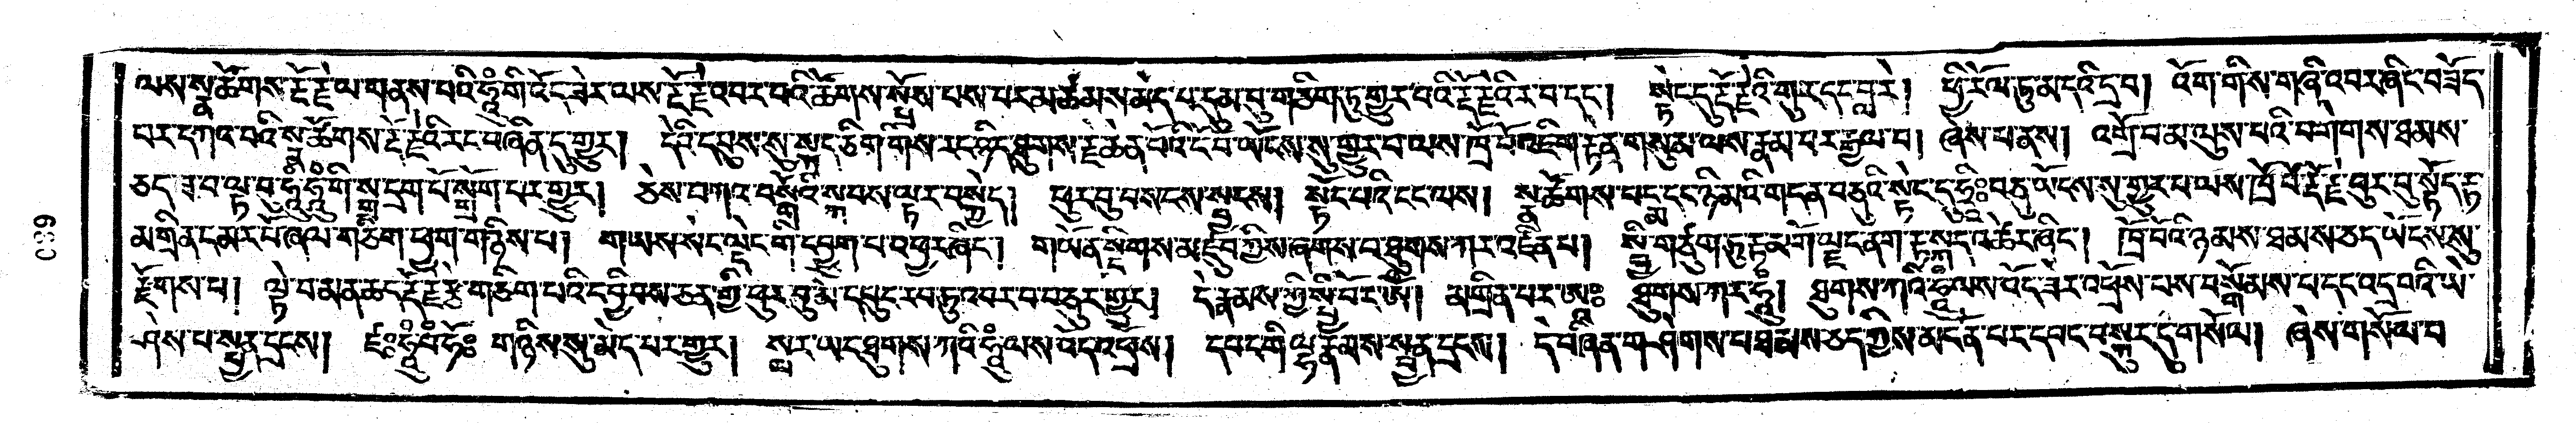ལས་སྣ་ཚོགས་རྡོ་རྗེ་ལ་གནས་པའི་ཧཱུཾ་གི་འོད་ཟེར་ལས་རྡོ་རྗེ་འབར་བའི་ཚོགས་སྤྲོས་པས་པར་མཚམས་མེད་པ་དུམ་བུ་གཅིག་ཏུ་གྱུར་བའི་རྡོ་རྗེའི་ར་བ་དང་། སྟེང་དུ་རྡོ་རྗེའི་གུར་དང་བླ་རེ། ཕྱི་རོལ་ཏུ་མདའི་དྲ་བ། འོག་གིས་གཞི་འབར་ཞིང་བཟོད་
པར་དཀའ་བའི་སྣ་ཚོགས་རྡོ་རྗེའི་རང་བཞིན་དུ་གྱུར། དེའི་དབུས་སུ་སྐད་ཅིག་གིས་རང་ཉིད་ཐུགས་རྗེ་ཆེན་པོའི་ངོ་བོ་ཡོངས་སུ་གྱུར་བ་ལས་ཁྲོ་བོ་འཇིག་རྟེན་གསུམ་ལས་རྣམ་པར་རྒྱལ་བ། ཞེས་པ་ནས། འགྲོ་བ་མ་ལུས་པའི་བགེགས་ཐམས་
ཅད་ཟ་བ་ལྟ་བུ་ཧཱུཾ་ཧཱུཾ་གི་སྒྲ་དྲག་པོ་སྒྲོག་པར་གྱུར། ཅེས་བཀའ་བསྒྲོའི་སྐབས་ལྟར་བསྐྱེད། ཕུར་བུ་བསངས་སྦྱངས། སྟོང་པའི་ངག་ལས། སྣ་ཚོགས་པདམ་དང་ཉི་མའི་གདན་བཅུའི་སྟེང་དུ་ཧྲཱིཿབཅུ་ཡོངས་སུ་གྱུར་པ་ལས་ཁྲོ་བོ་རྡོ་རྗེ་བུར་བུ་སྟོང་རྟ་
མགྲིན་དམར་པོ་ཞལ་གཅིག་ཕྱག་གཉིས་པ། གཡས་སེང་ལྡེང་གི་དབྱུག་པ་འཕྱར་ཞིང་། གཡོན་སྡིགས་མཛུབ་ཀྱིས་ཞགས་བ་ཐུགས་ཀར་འཛིན་པ། སྤྱི་གཙུག་ཏུ་རྟ་མགོ་ལྗང་ནག་རྟ་སྐད་འཚེར་ཞིང་། ཁྲོ་བོའི་ཉམས་ཐམས་ཅད་ཡོངས་སུ་
རྫོགས་པ། ལྟེ་བ་མན་ཆད་རྡོ་རྗེ་རྩེ་གཅིག་པའི་དབྱིབས་ཅན་གྱི་ཕུར་བུ་མེ་དཔུང་རབ་ཏུ་འབར་བ་བཅུར་གྱུར། དེ་རྣམས་ཀྱི་སྤྱི་བོར་ཨོཾ། མགྲིན་པར་ཨཱཿ ཐུགས་ཀར་ཧཱུཾ། ཐུགས་ཀའི་ཧཱུཾ་ལས་འོད་ཟེར་འཕྲོས་པས་བསྒོམས་པ་དང་འདྲ་བའི་ཡེ་
ཤེས་པ་སྤྱན་དྲངས། ཛཿ ཧཱུཾ་བཾ་ཧོཿ གཉིས་སུ་མེད་པར་གྱུར། སླར་ཡང་ཐུགས་ཀའི་ཧཱུཾ་ལས་འོད་འཕྲོས། དབང་གི་ལྷ་རྣམས་སྦྱན་དྲངས། དེ་བཞིན་གཤེགས་པ་ཐམས་ཅད་ཀྱིས་མངོན་པར་དབང་བསྐུར་དུ་གསོལ། ཞེས་གསོལ་བ་